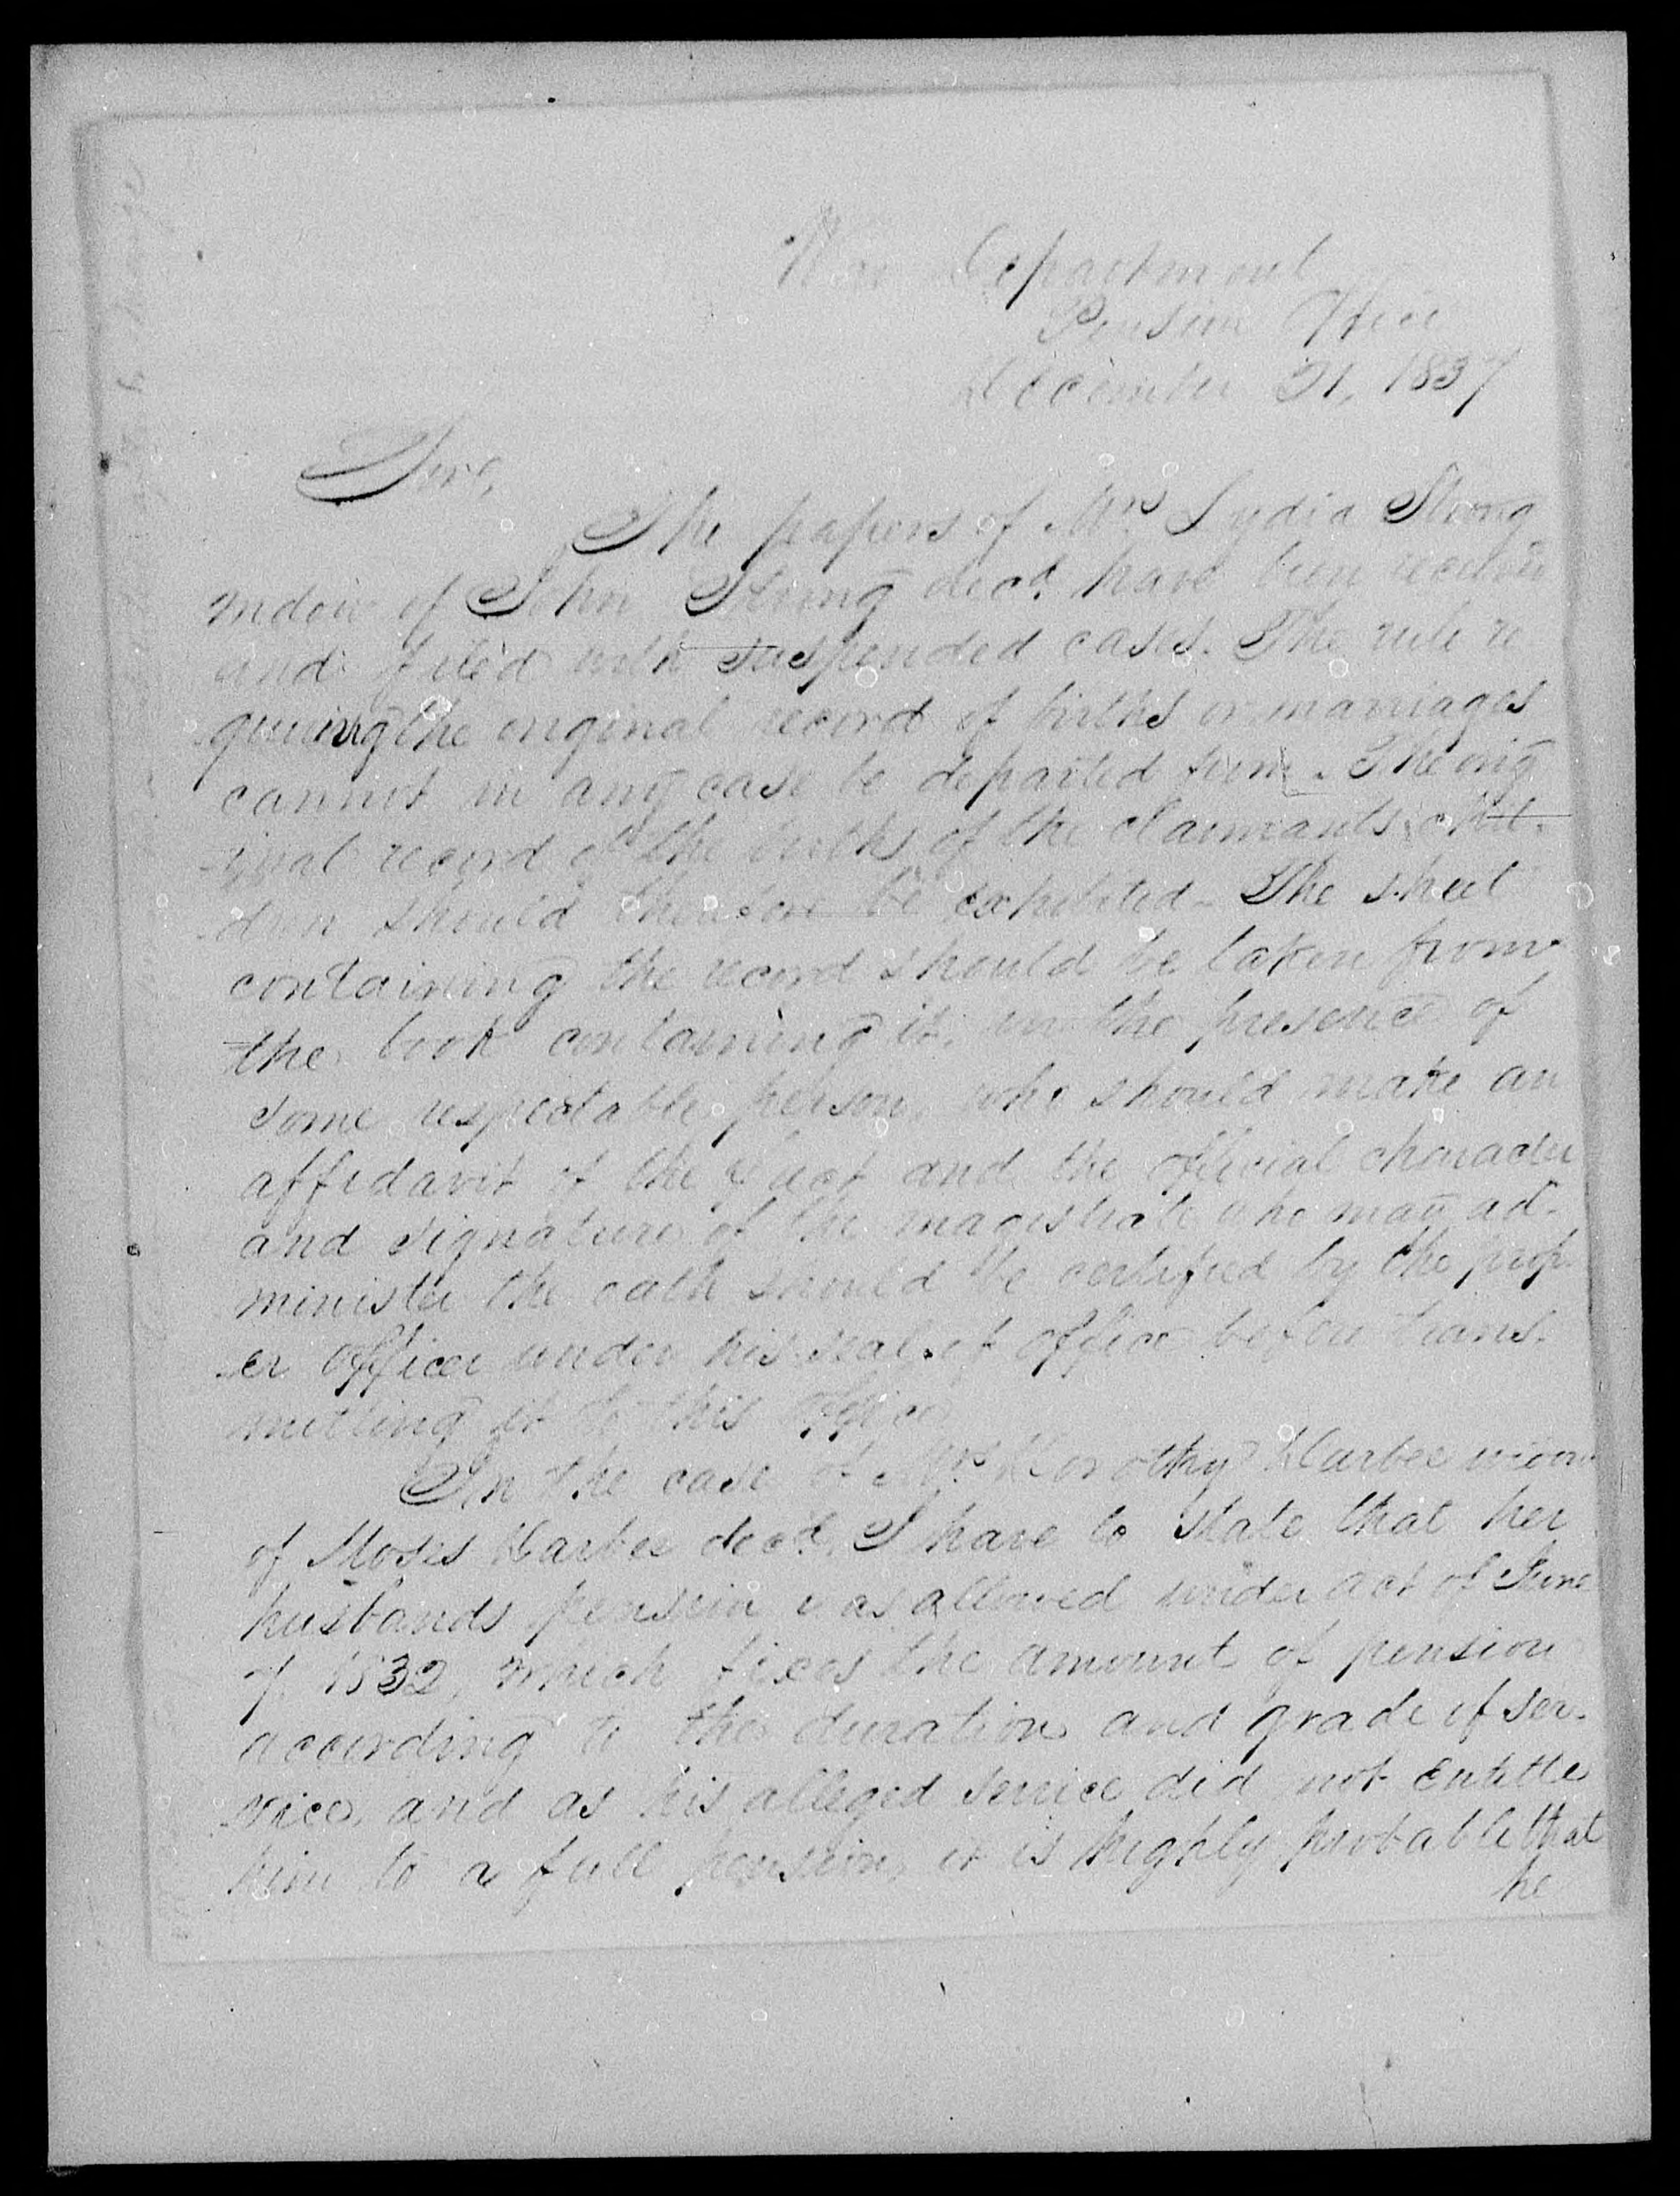War Department 
Pension Office 
December 11, 1837 

Sir
The papers of Mrs Lydia Strong widow of John Strong decd have been [illegible] and filed with suspended cases. The rule requiring the original record of birth or marriages cannot in any case be departed from. The original record of the claimants children should therefore be exhibited. The sheet containing the record should be taken from the book containing it in the presence of some respectable person who should make an affidavit of the act and the official character and signature of the magistrate who may administer the oath should be certified by the proper officer under his seal of office before transmitting it to this office.
In the case of Mrs. Dorothy Darbee widow of Moses Darbee decd. I have to state that her husbands pension was allowed under act of June [ ] of 1832, which fixes the amount of pension according to the duration and grade of service and as his alleged service did not entitle him to a full pension, it is highly probable that he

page: 23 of 33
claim: widow's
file: W. 4592, for John Strong, New York